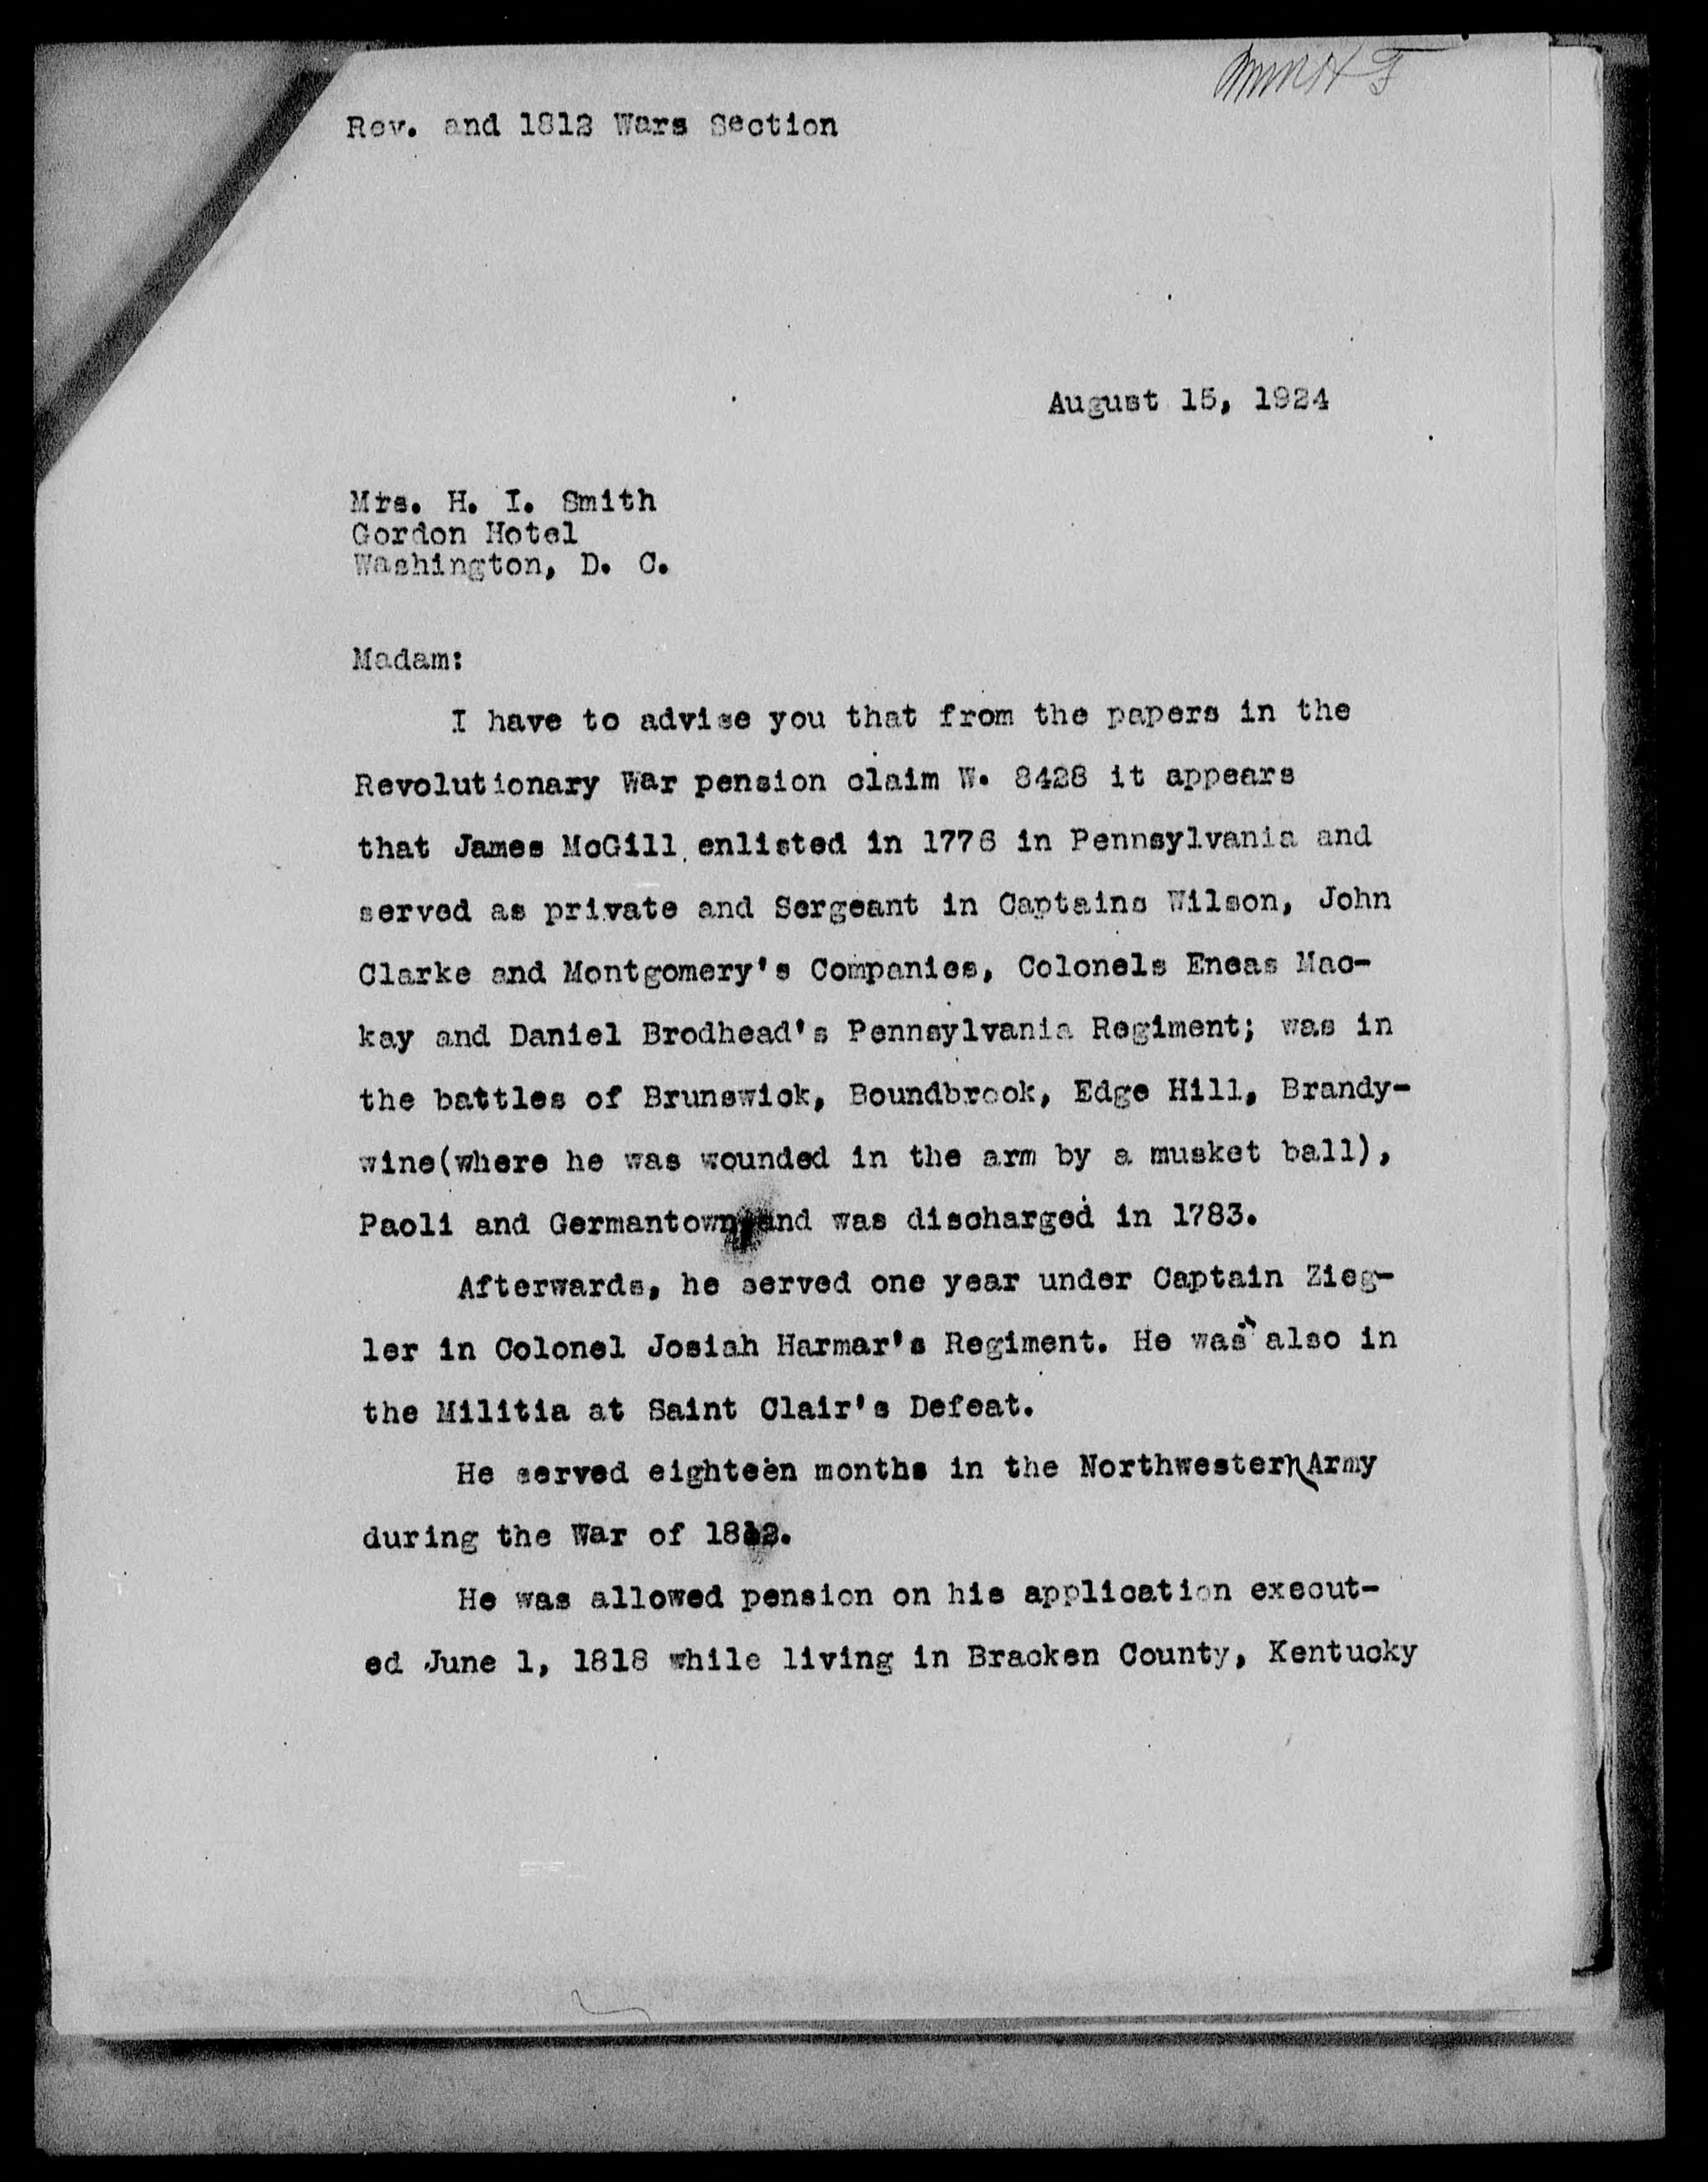Image 123   		   4160873_00123
Fold3 File #23857289
[Letter]

Rev and 1812 Wars Section
Aug 15, 1924
Mrs. H. I. Smith   Gordon Hotel  
Washington, D.C.
Madam:
I have to advise you that from the papers in the Revolutionary War pension claim W. 8428 it appears that James McGill enlisted in 1776 in Pennsylvania and served as private and Sergeant in Captains Wilson, John Clarke and Montgomery's Companies, Colonels Eneas Mackay and Daniel Brodhead’s Pennsylvania Regiment; was in the battles of Brunswick, Boundbrook [Bound Brook], Edge Hill, Brandywine (where he was wounded in the arm by a musket ball), Paoli and Germantown, and  was discharged in 1783.
Afterwards, he served one year under Captain Ziegler in Colonel Josiah Harmar’s Regiment. He was also in the Militia at Saint Clair’s Defeat.
He served eighteen months In the Northwestern Army during the war of 1812. He was allowed pension on his application executed June 1,1818 while living in Bracken County, Kentucky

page: 65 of 71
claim: widow's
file: W. 8428, for James Mc Gill, Pennsylvania